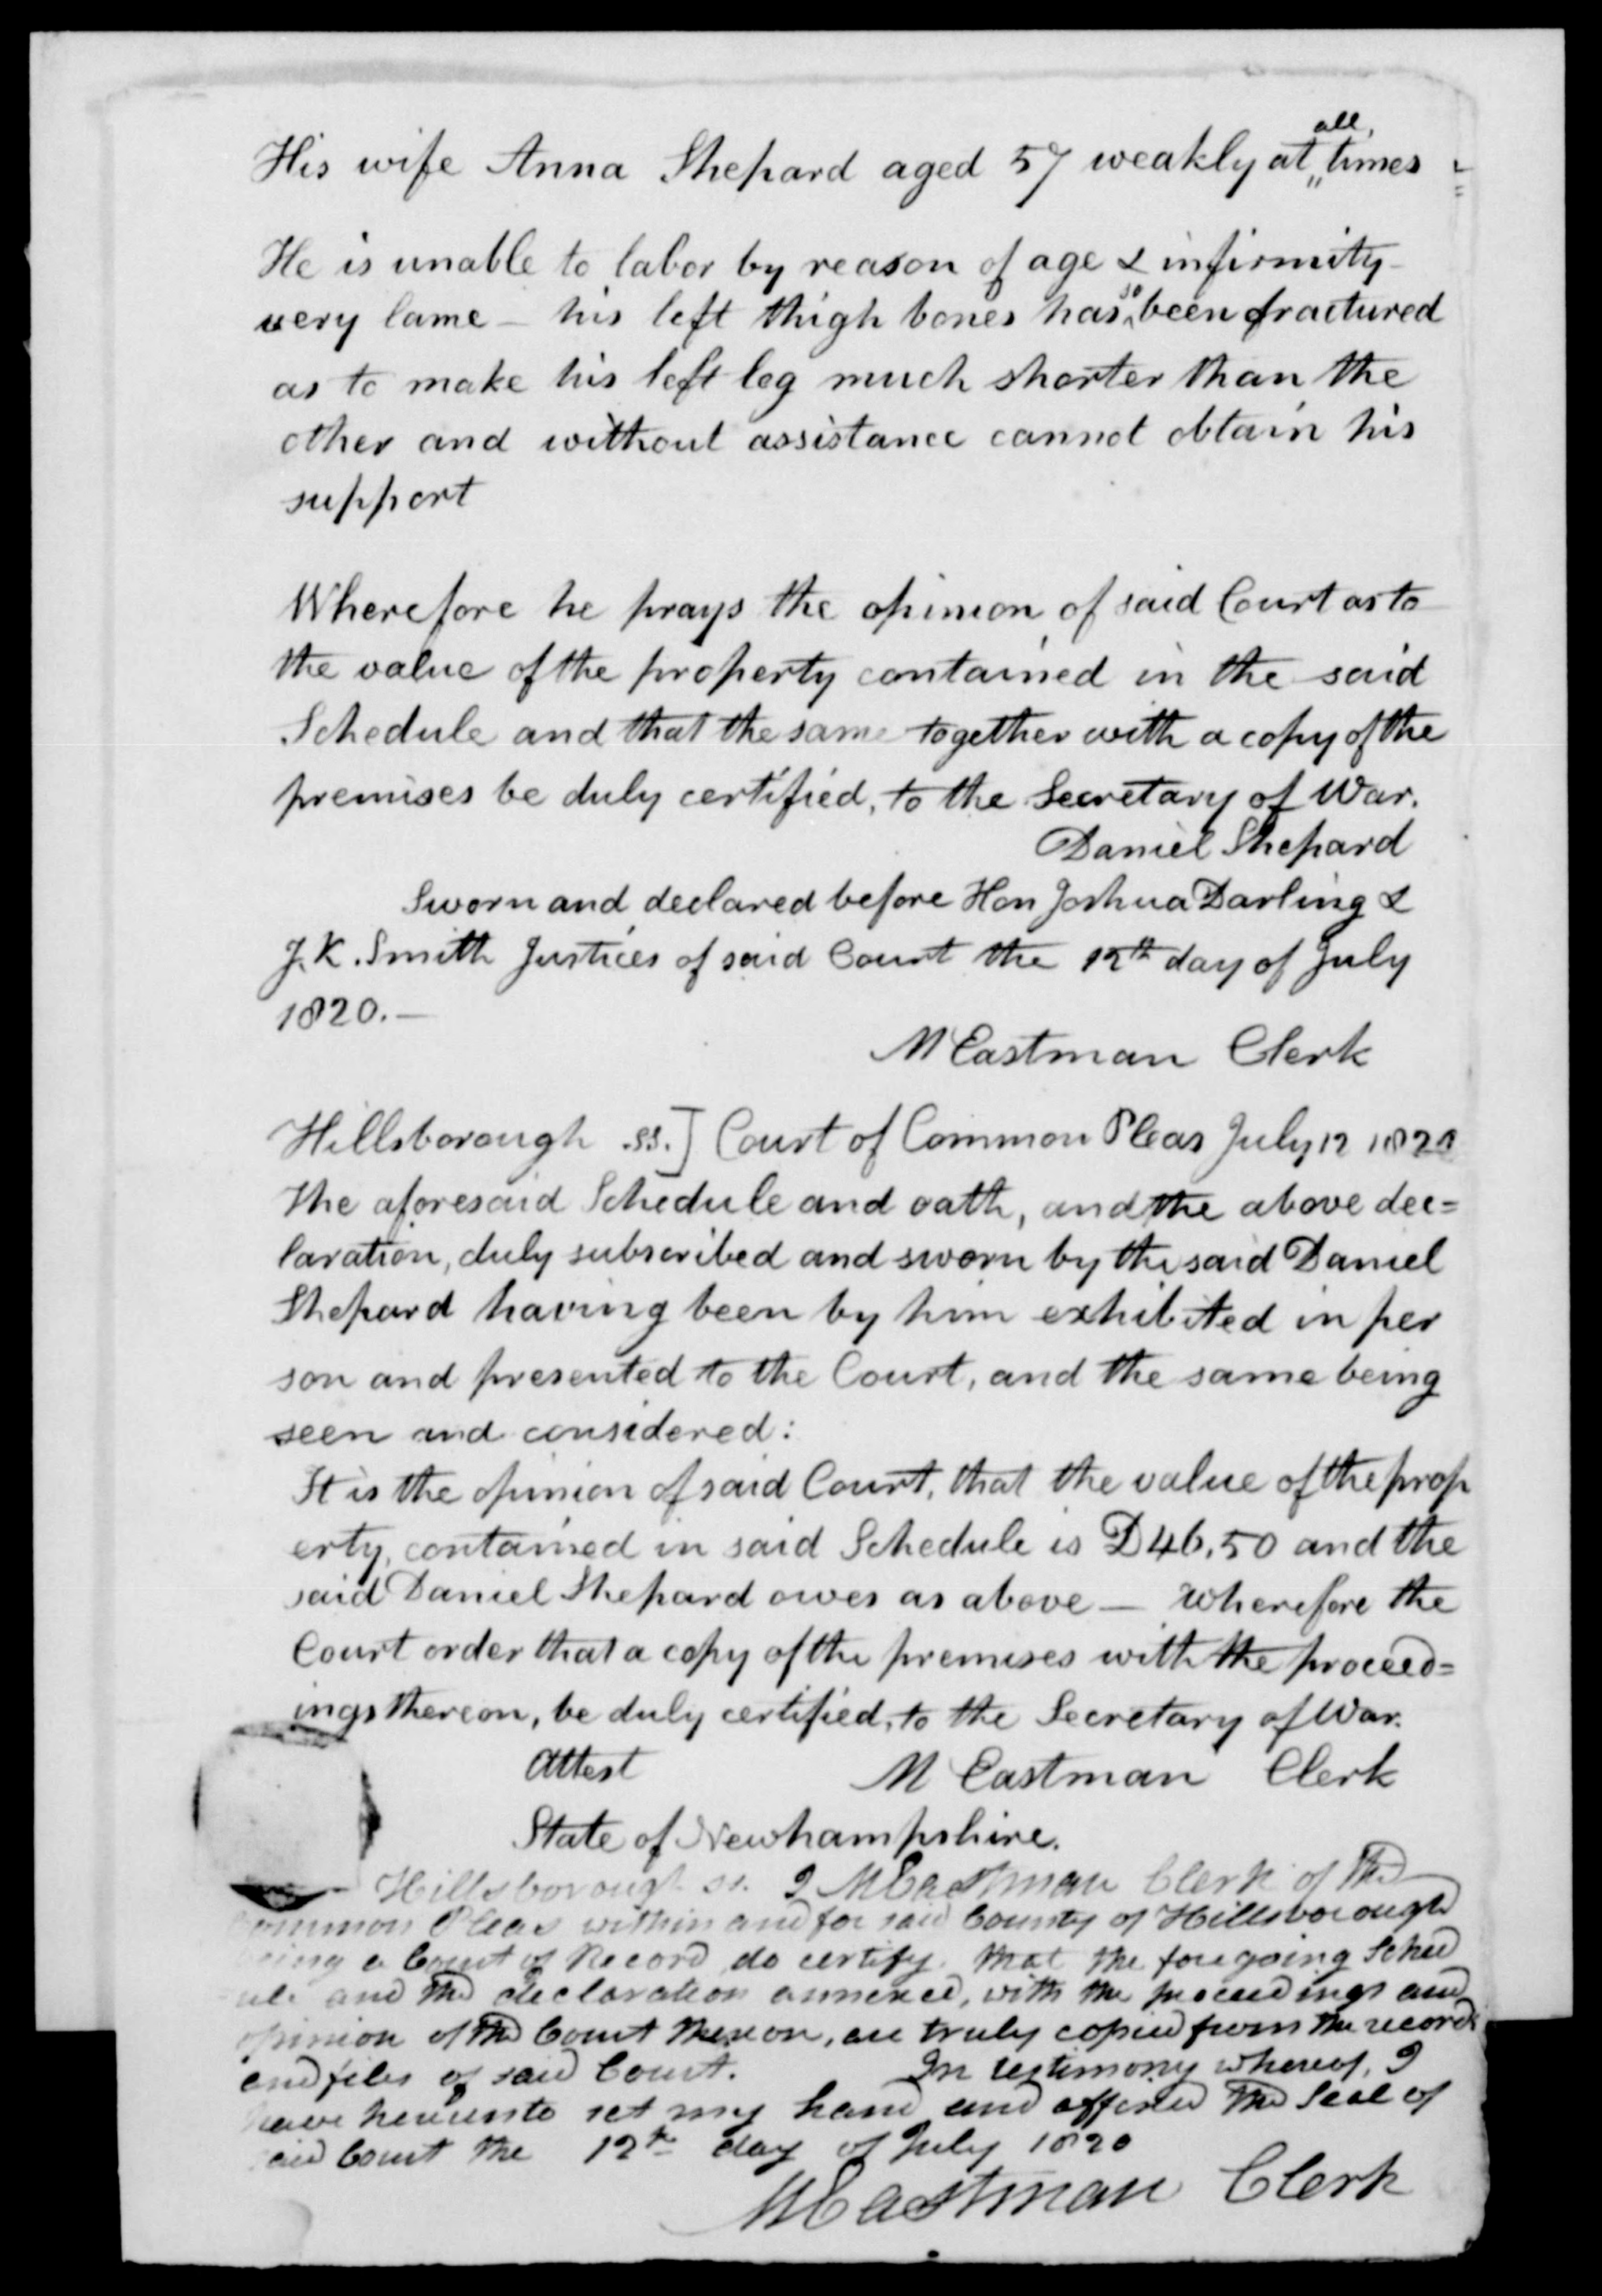His wife Anna Shepard aged 57 weakly at all times
He is unable to labor by reason of age & infirmity
very lame. his left thigh bones has been fractured
as to make his left leg much shorter than the
other and without assistance cannot obtain his
support
Wherefore he prays the opinion of said Court as to
the value of the property contained in the said
Schedule and that the same together with a copy of the
premises be duly certified, to the Secretary of War.
[signature] Daniel Shepard
Sworn and declared before Hon Joshua Darling &
J. K. Smith Justices of said Court the 12th day of July
1820.-
[signature] M Eastman Clerk

Hillsborough Ss. Court of Common Pleas July 12 1820
the aforesaid Schedule and oath, and the above declaration
, duly subscribed and sworn by the said Daniel
Shepard having been by him exhibited in person and presented to the Court, and the same being
seen and considered:
It is the opinion of said Court, that the value of the property contained in said Schedule is $46.50 and the
said Daniel Shepard ores as above-- wherefore the
Court order that a copy of the premises with the proceedings thereon, be duly certified to the Secretary of War
Attest
[signature] M Eastman Clerk
State of Newhampshire
Hillsborough ss. J M Castman Clerk of the
Common Pleas within and for said County of Hillsborough
being a Court of Record do certify, that the foregoing Schedule and the declaration annexed, with the proceedings and
opinion of the Court thereon, are truly copied from the record
and files of said Court.
In testimony whereof I
have hereunto set my hand and affixed the seal of
said Court the 12th day of July 1820
[signature] M Eastman Clerk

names: M Eastman; M Eastman; M Eastman; Daniel Shepard; Daniel Shepard; Anna Shepard; Joshua Darling; Daniel Shepard; M Eastman; J K Smith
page: 10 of 25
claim: survivor's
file: S. 43137, for Daniel Shepard, New Hampshire